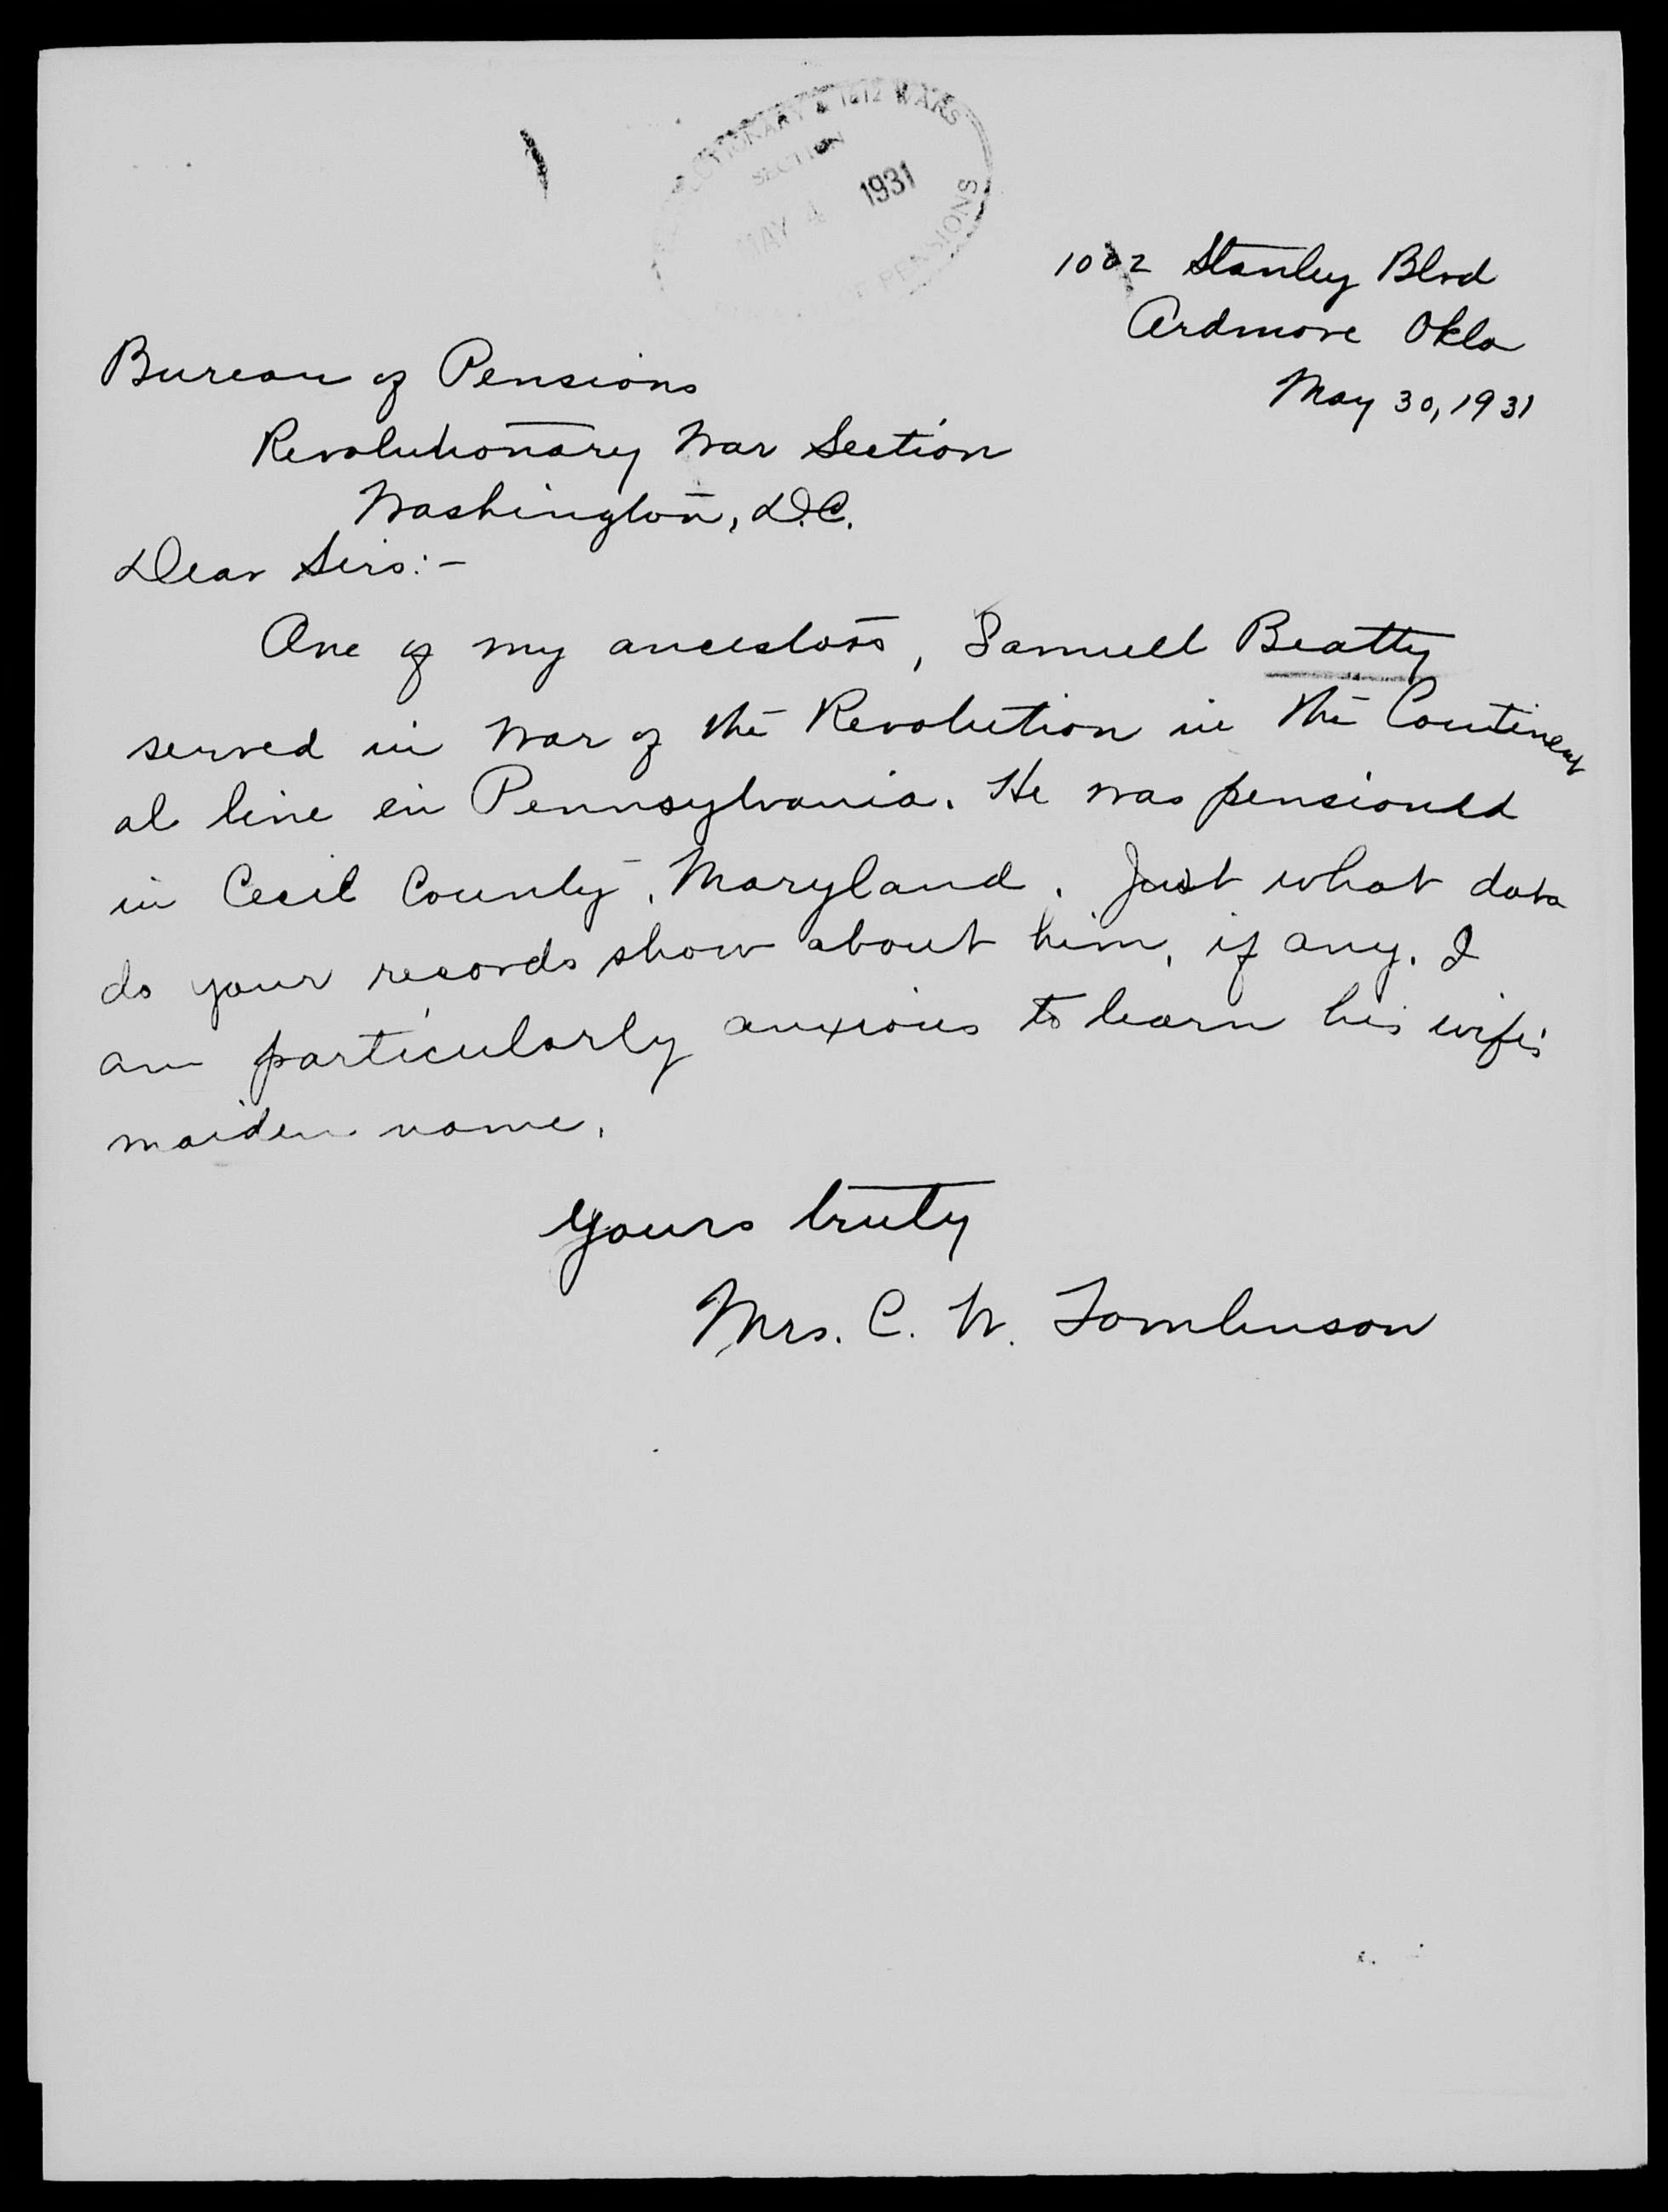1002 Stanley Blood
Ardmore Okla
May 30, 1931

Bureau of Pensions
Revolutionary War Section
Washington, D.C.

Dear Sirs:-

One of my ancestors, Samuel Beatty served
in War of the Revolution in the Continental
line in Pennsylvania. He was pensioned in Cecil County, Maryland.  Just what data do your records show about him, if any. I am particularly anxious to learn his wife's
maiden name.

Yours truly
Mrs. C. W. Tomlinson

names: Samuel Beatty, C W Tomlinson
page: 27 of 31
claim: survivor's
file: S. 34646, Samuel Beaty, Penn.